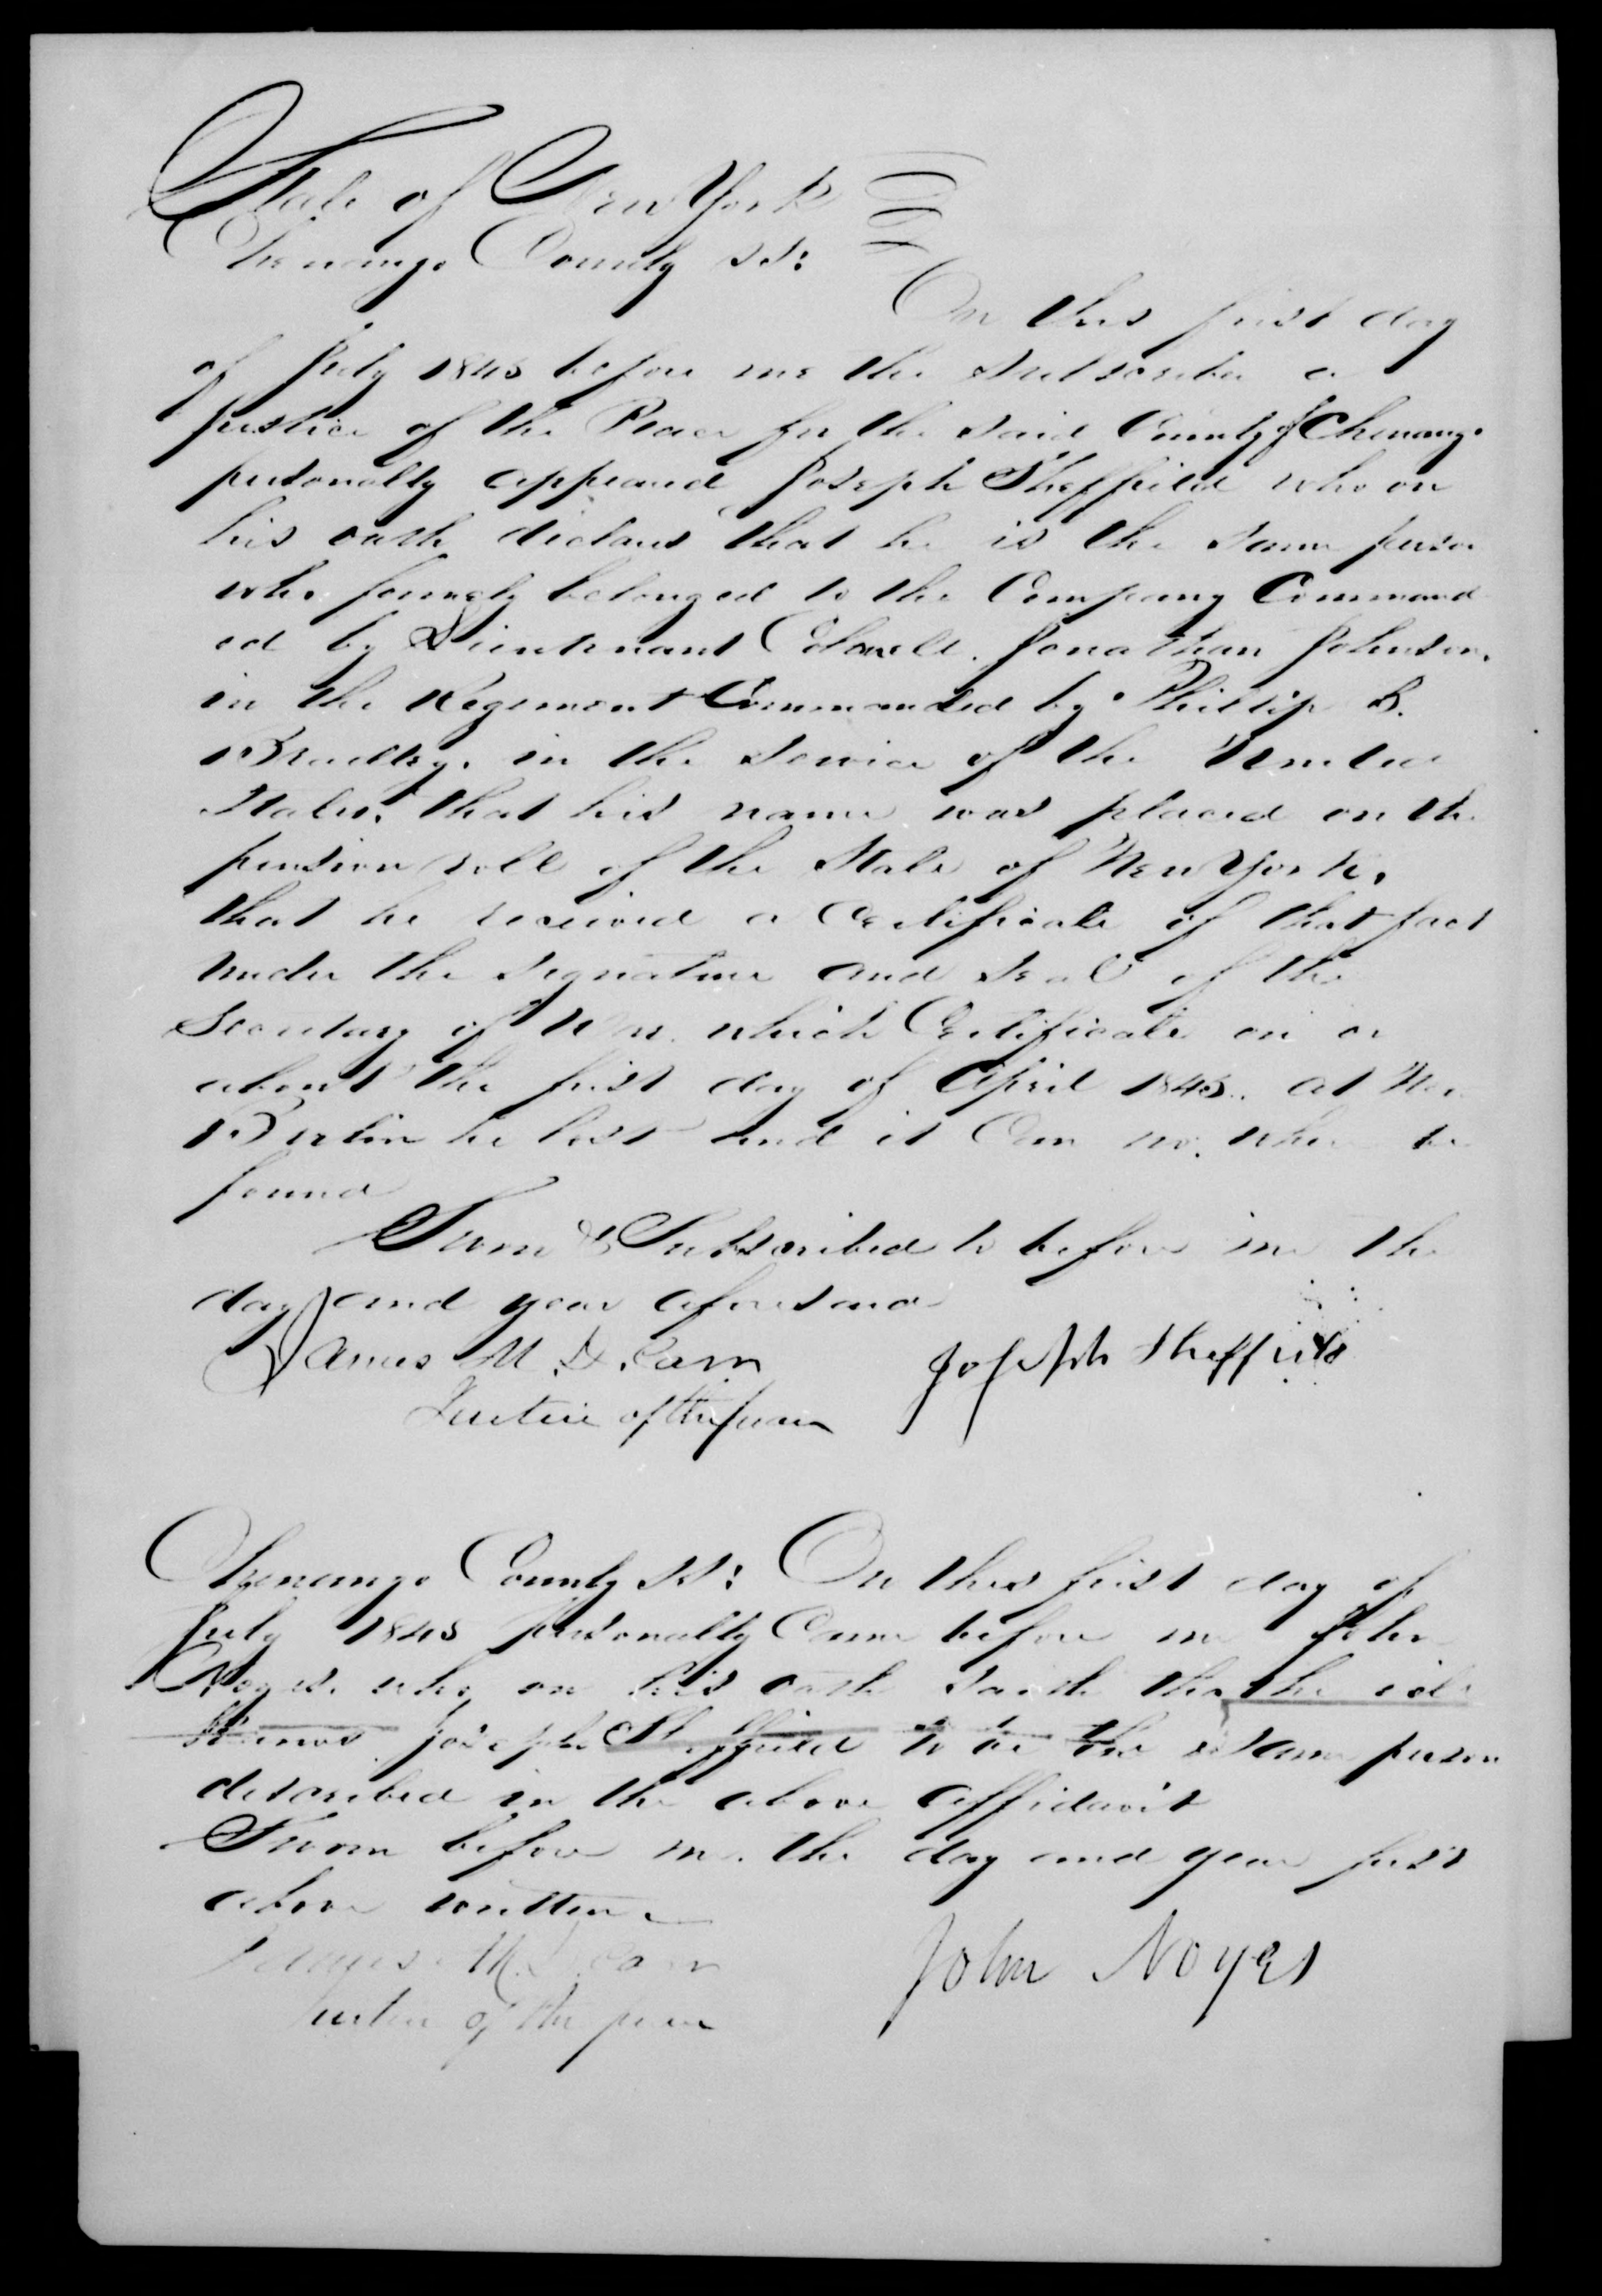State of New York
Chenango County:
On this first day
of July 1845 before me the Subscriber
Justice of the Peace for the said County of Chenango 
personally appeared Joseph Sheffield who on
his oath declares that he is the same person
who formerly belonged to the Company Command
ed by Lieutenant Colonel Jonathan Johnson
in the Regiment commanded by Phillip B
Bradley in the service of the United states
that his name was placed on the
pension roll of the State of New York
that he received a certificate of that fact
under the signature and seal of the
Secretary of which Certificate on or
that the first day of April 1845 at New
Berlin he lost and it can no where be found
Sworn & Subscribed to before in the
day and year aforesaid
Joseph Sheffield [signature]
James M. D. Carr Justice of the Peace

Chenango County SS. On this first day of
July 1843 personally came before me John
Noyes who on his oath saith that the [illegible]
Joseph Sheffield to be the same person
described in the above affidavit
Sworn before me the day and year first
before written.
John Noyes
James M.D. Carr Justice of the Peace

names: Joseph Sheffield; John Noyes; Joseph Sheffield; Phillip B Bradley; James M D Carr; Jonathan Johnson; John Noyes; Joseph Sheffield; James M D Carr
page: 12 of 25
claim: survivor's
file: S. 42,272, for Joseph Sheffield, Connecticut